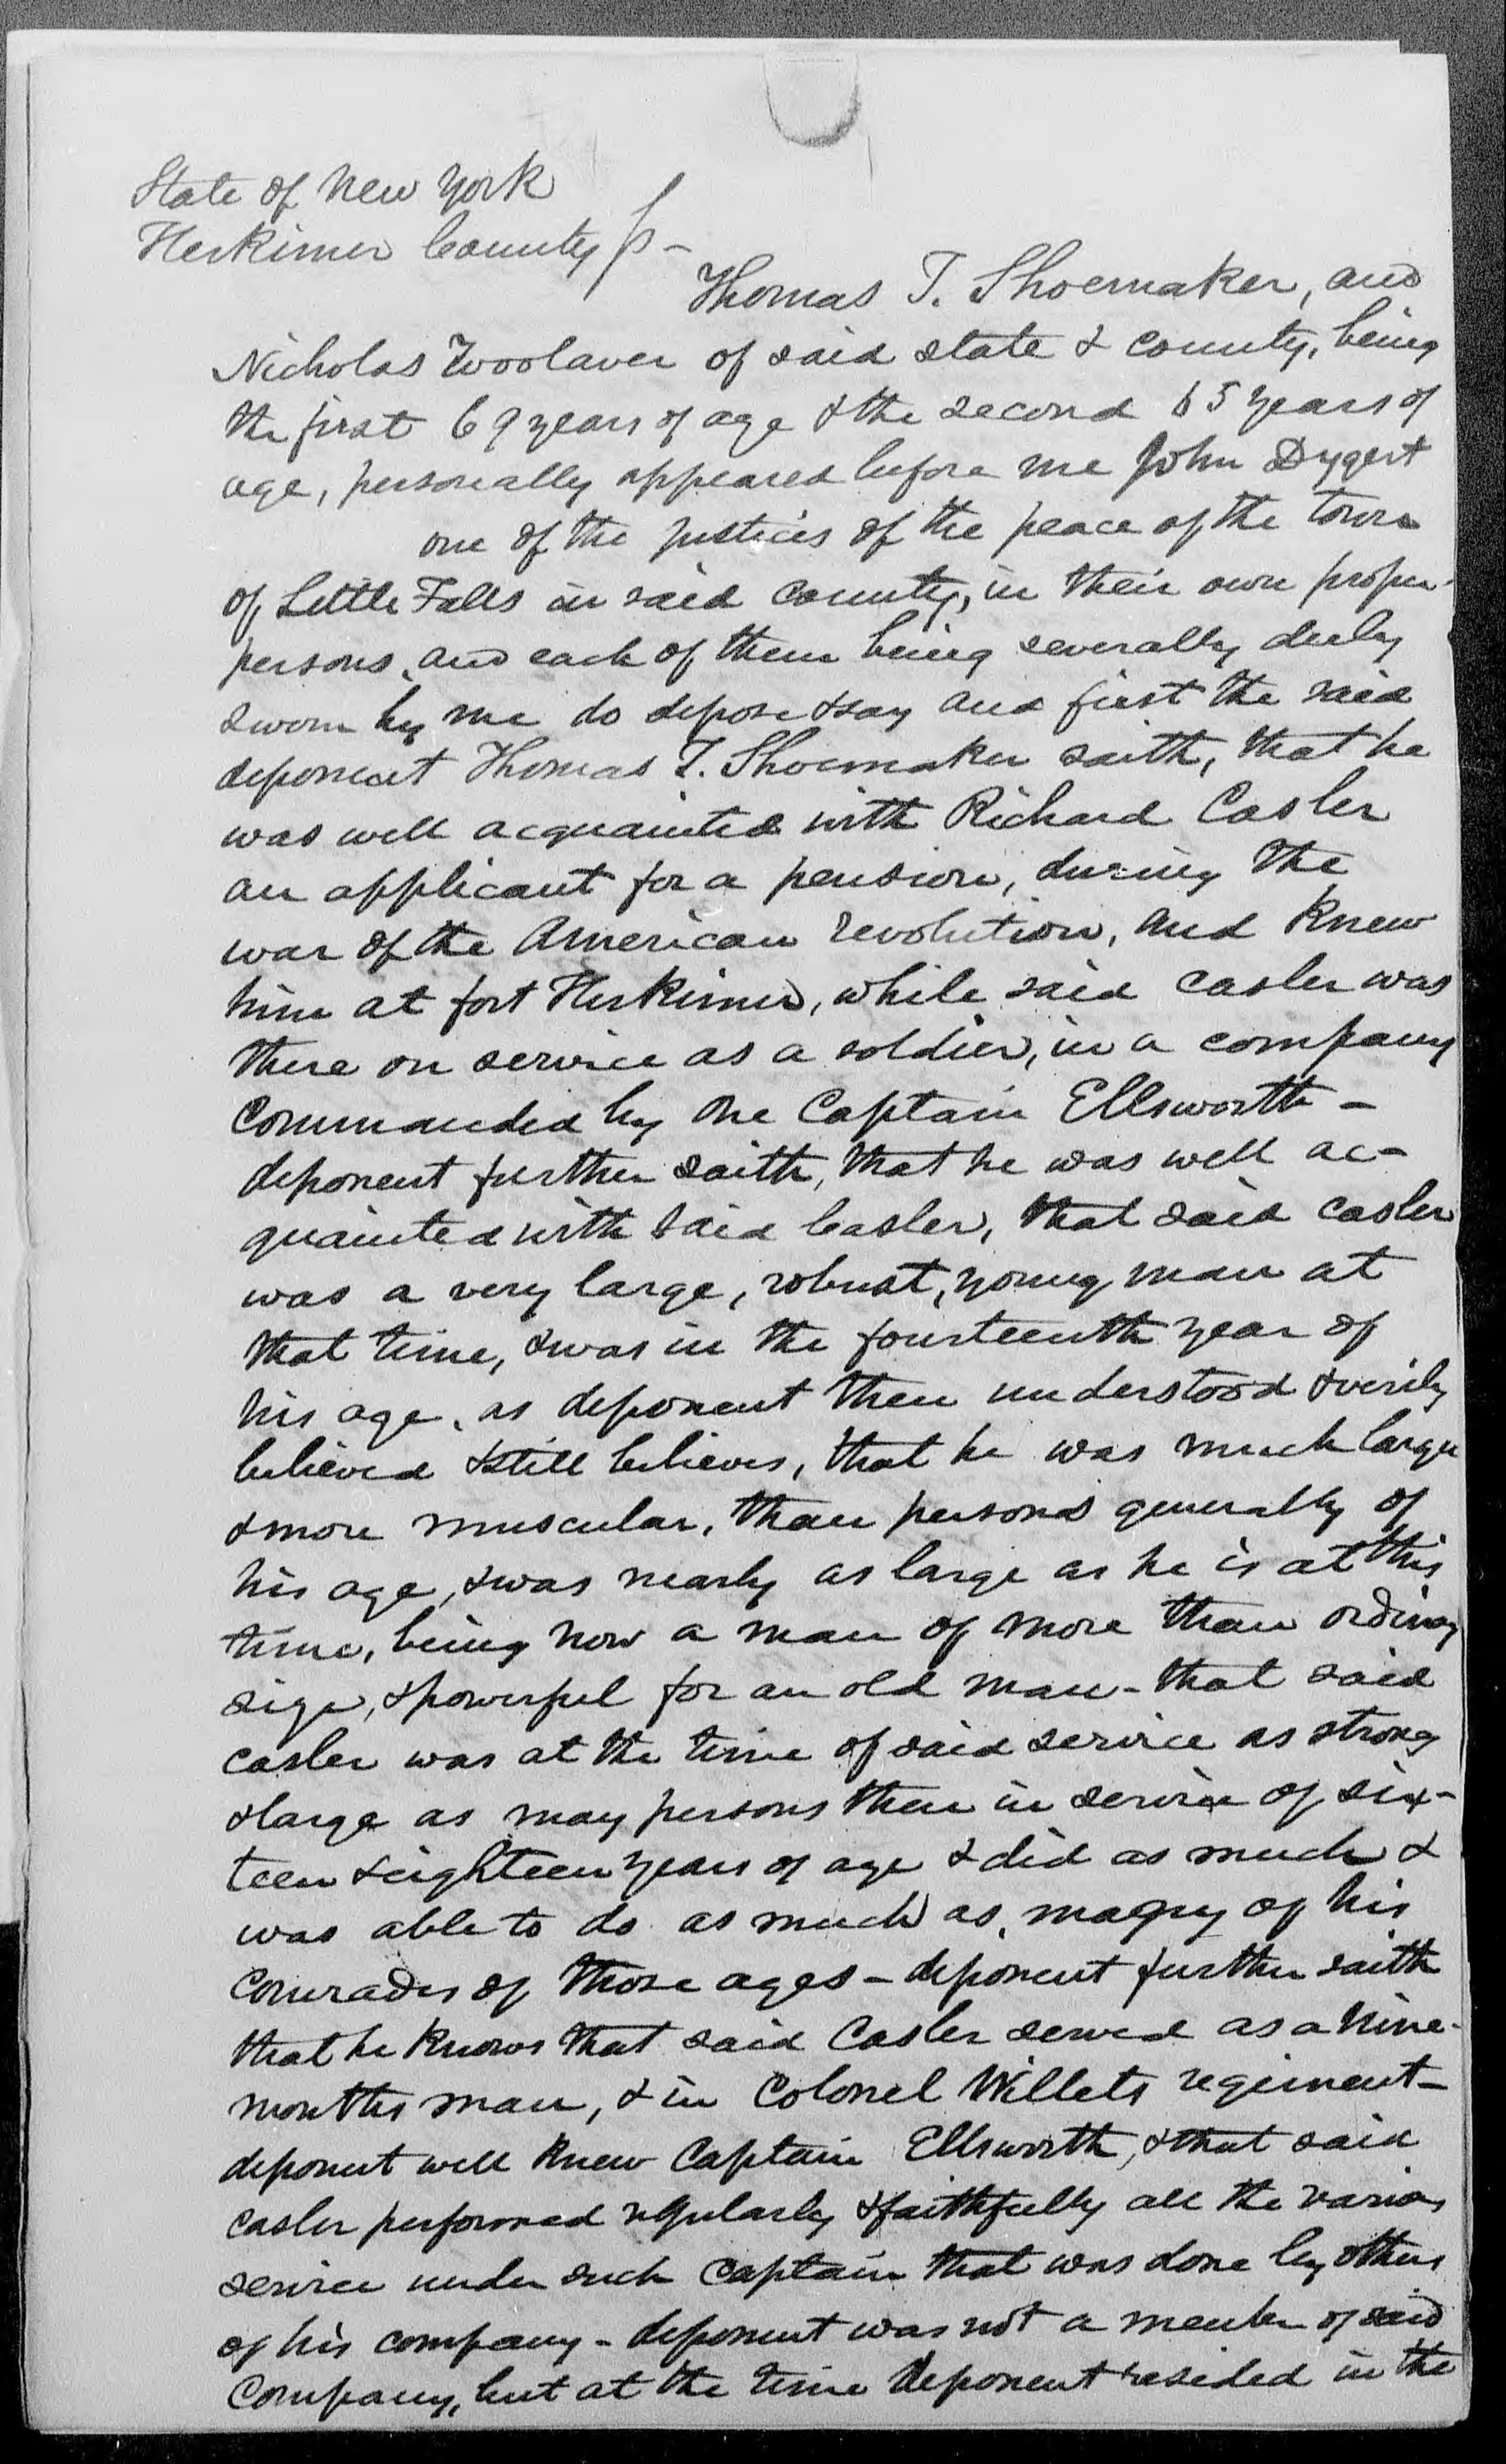State of New York 
Herkimer County ss 
Thomas T. Shoemaker, and Nicholas Woolaver of said state & county, being the first 69 years of age & the second 65 years of age, personally appeared before me John Dygert one of the Justices of the peace of the town of Little Falls in said county, in their own proper persons, and each of them being severally duly sworn by me, do depose & say and first the said deponent Thomas T. Shoemaker saith, that he was well acquainted with Richard Casler an applicant for a pension, during the war of the American Revolution, and knew him at fort Herkimer, while said Casler was there on service as a soldier, in a company commanded by one Captain Ellsworth - deponent further saith, that he was well acquainted with said Casler, that said Casler was a very large, robust, young man at that time, & was in the fourteenth year of his age as deponent then understood & verily believed & still believes, that he was much larger & more muscular, than persons generally of his age, & was nearly as large as he is at this time, being now a man of more than ordinary size, & powerful for an old man - that said Casler was at the time of said service as strong & large as may persons there in service of sixteen & eighteen years of age & did as much & was able to do as much as many of his comrades of those ages - deponent further saith that he knows that said Casler served as a nine months man, & in Colonel Willets regiment - deponent well knew Captain Ellsworth, & that said Casler performed regularly & faithfully all the various service under such captain that was done by others of his company - deponent was not a member of said company, but at the time deponent resided in the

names: Casler, Nicholas Woolaver, Thomas T Shoemaker, Ellsworth, Ellsworth, Casler, Casler, Casler, Casler, Richard Casler, Thomas T Shoemaker, John Dygert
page: 52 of 66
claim: widow's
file: W. 6637, Richard Caslar, New York